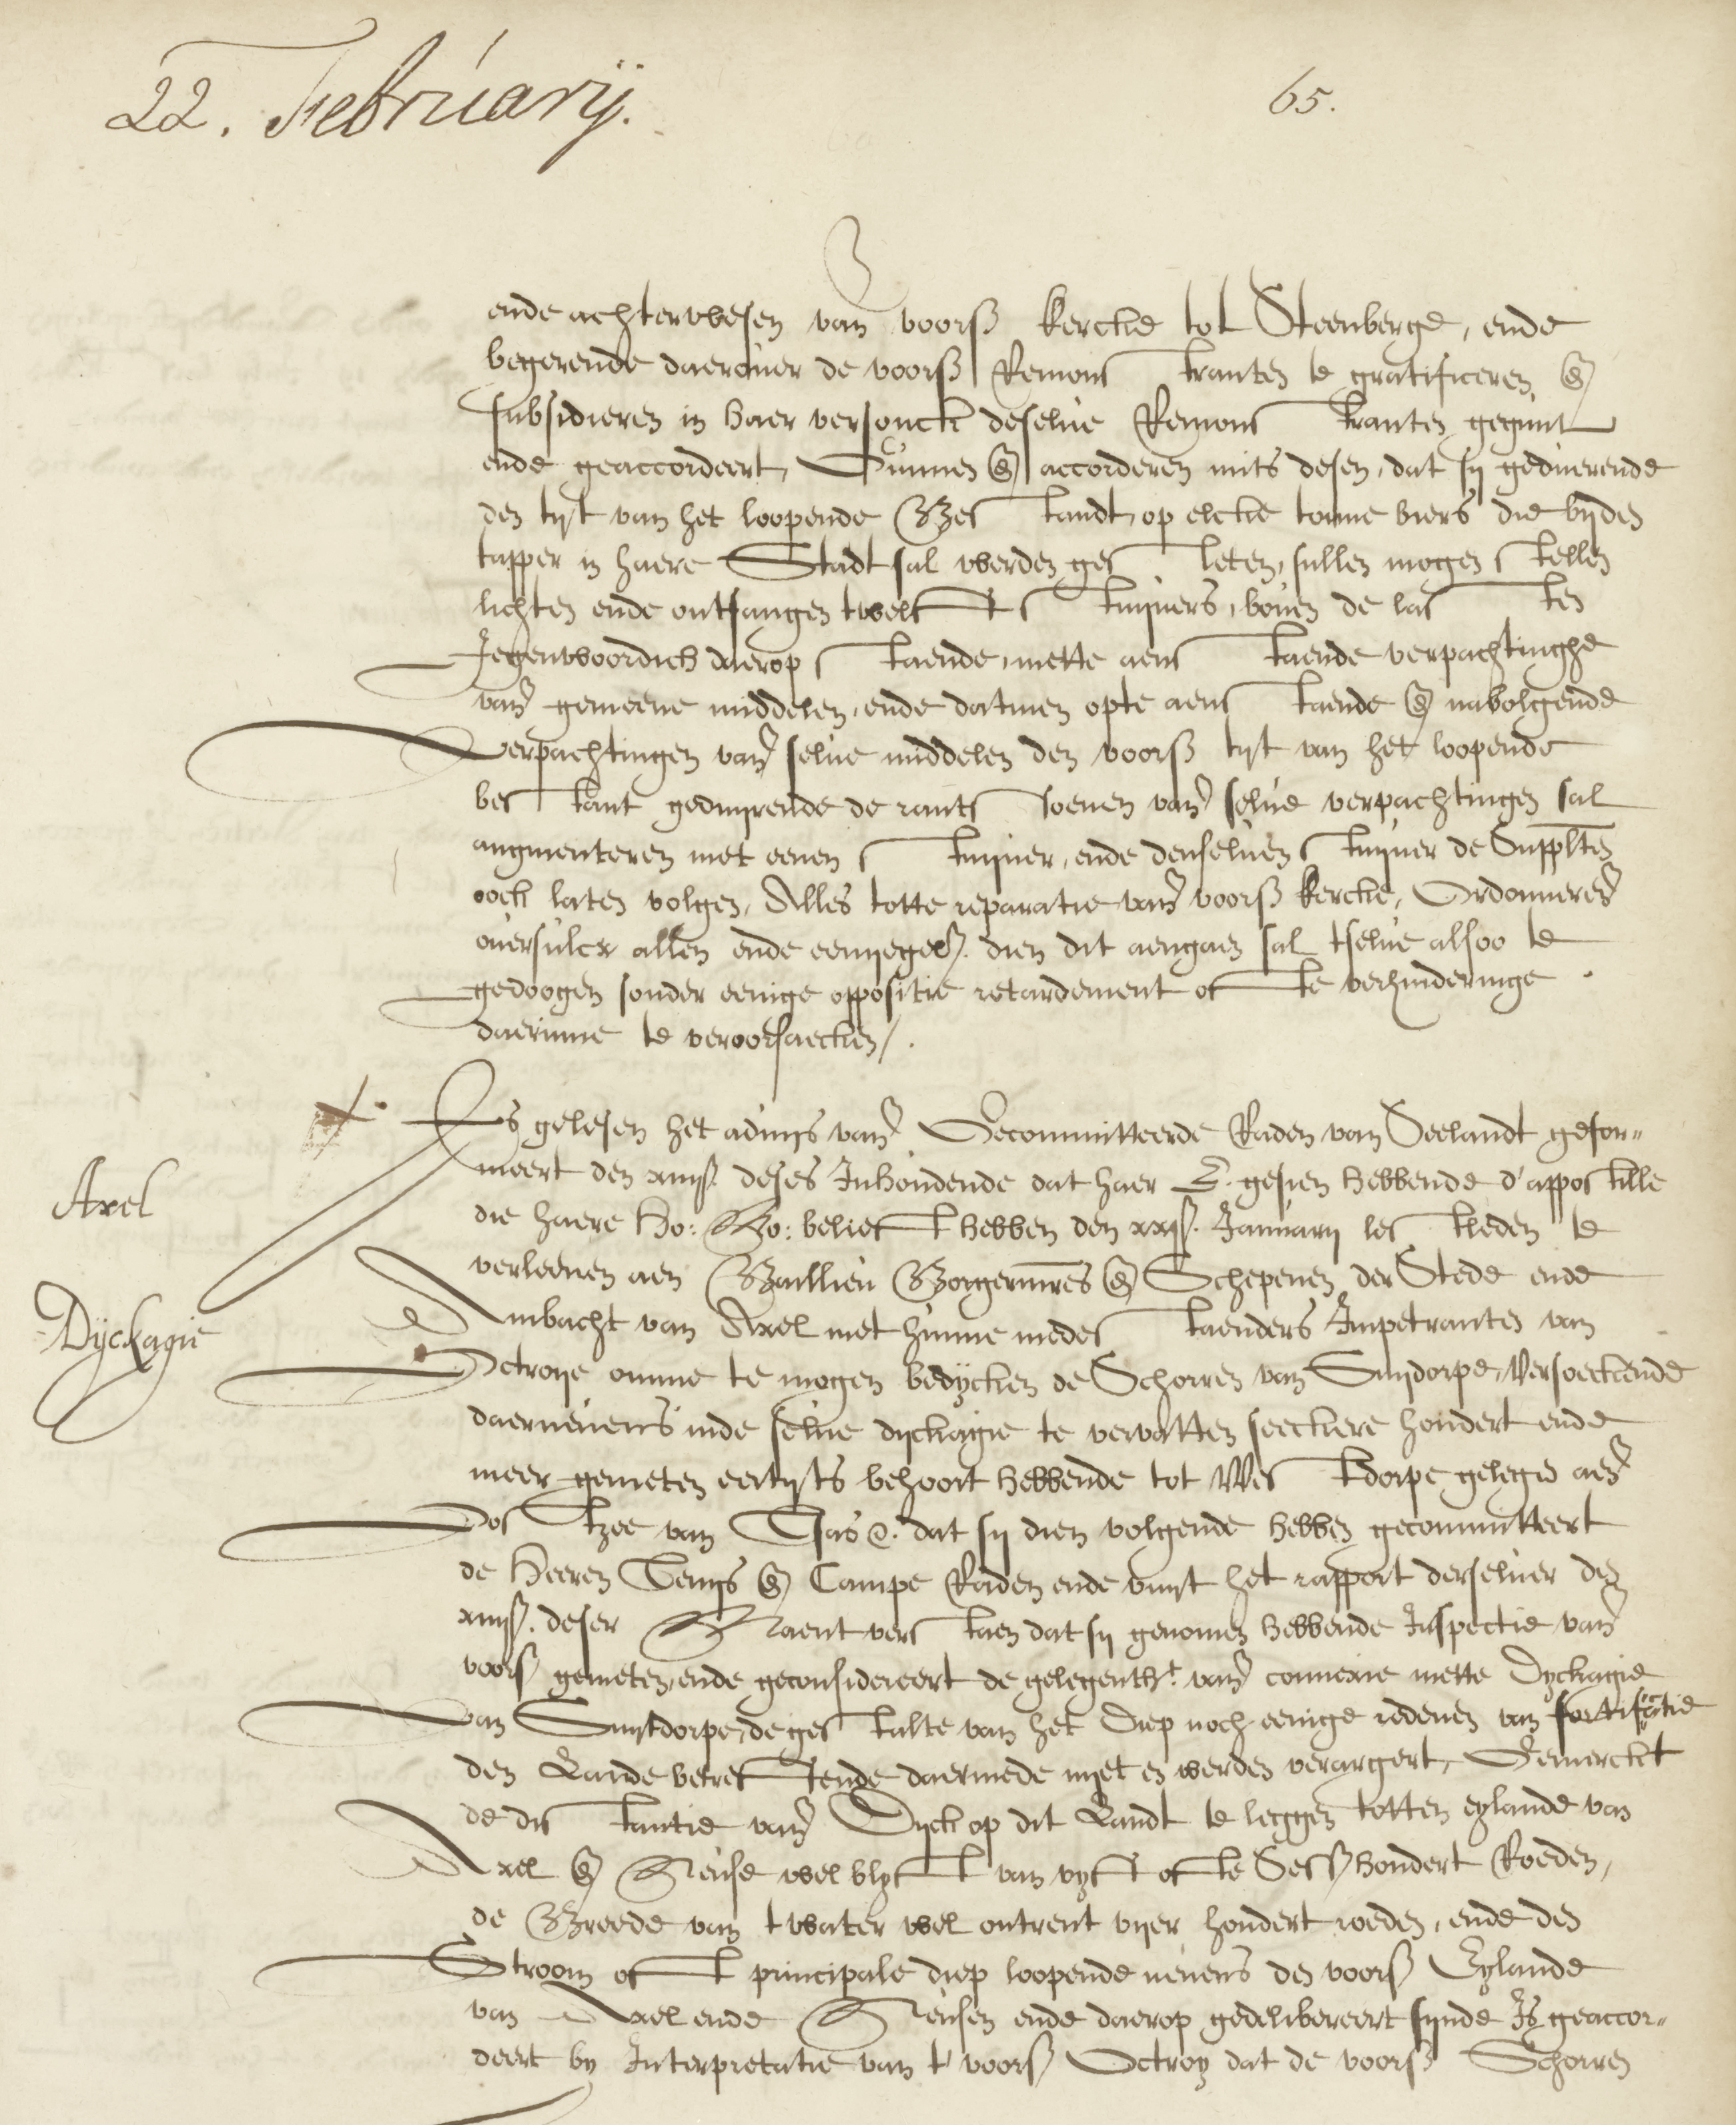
65.
22. Februarij.
ende achterwesen van voors kercke tot Steenberge, ende
begerende daerouer de voors Remonstranten te gratificeren &
subsidieren in haer versouck deselue Remonstranten gegunt
ende geaccordeert, Gunnen & accorderen mits desen, dat sy geduerende
den tyt van het loopende Bestandt, op elcke tonne biers die byden
tapper in haere Stadt sal worden gesleten, sullen mogen stellen
lichten ende ontfangen twelff stuyuers boven de lasten
Jegenwoordich daerop staende, mette aenstaende verpachtinghe
van gemeene middelen, ende datmen opte aenstaende & navolgende
verpachtingen van selue middelen den voors tyt van het loopende
bestant geduyrende de rantssoenen van selue verpachtingen sal
augmenteren met eenen stuyuer ende denseluen stuyuer de Supplten
oock laten volgen. Alles totte reparatie van voors kercke. Ordonneren
ouersulcx allen ende een eenyjgel dien dit aengaen sal tselue alsoo te
gedoogen sonder eenige oppositie retardement ofte verhinderinge
daerinne te veroorsaecken.
Axel
Dijckagie
Is gelesen het aduys van Gecommitteerde Raden van Seelandt gefor„
meert den xiiije deses Inhoudende dat haer E. gesien hebbende d'appostille
die haere Ho:Mo: belieft hebben den xxje January lestleden te
verleenen aen Baillieu Borgermrs. & Schepenen der Stede ende
Ambacht van Axel met hunne medestaenders Impetranten van
Octroye omme te mogen bedijcken de Schorren van Suydorpe, versoeckende
daerneuens inde selue dyckagie te vervatten seeckere hondert ende
meer gemeten eertyts behoort hebbende tot Westdorpe gelegen aen
Oostzee van Sas & dat sy dien volgende hebben gecommitteert
de heeren Tenys & Campe Raden ende vuyt het rapport derseluer den
xiiije deser Maent verstaen dat sy genomen hebbende Inspectie van
voors gemeten, ende geconsidereert de gelegentht. van connexie mette dyckage
van Suytdorpe, de gestalte van het Diep noch eenige redenen van fortificatie
den Lande betreffende daermede nyet en werden verargert. Gemerckt
de distantie van Dyck op dit Landt te leggen totten eylande van
Axel & Neuse wel blyft van vyff ofte Sess hondert Roeden,
de Breede van twater wel ontrent vyer hondert roeden, ende den
Stroom oft principale diep loopende neuens den voors Eylande
van Axel ende Neusen ende daerop gedelibereert synde Is geaccor„
deert by Interpretatie van t'voors Octroy dat de voors Schorren
